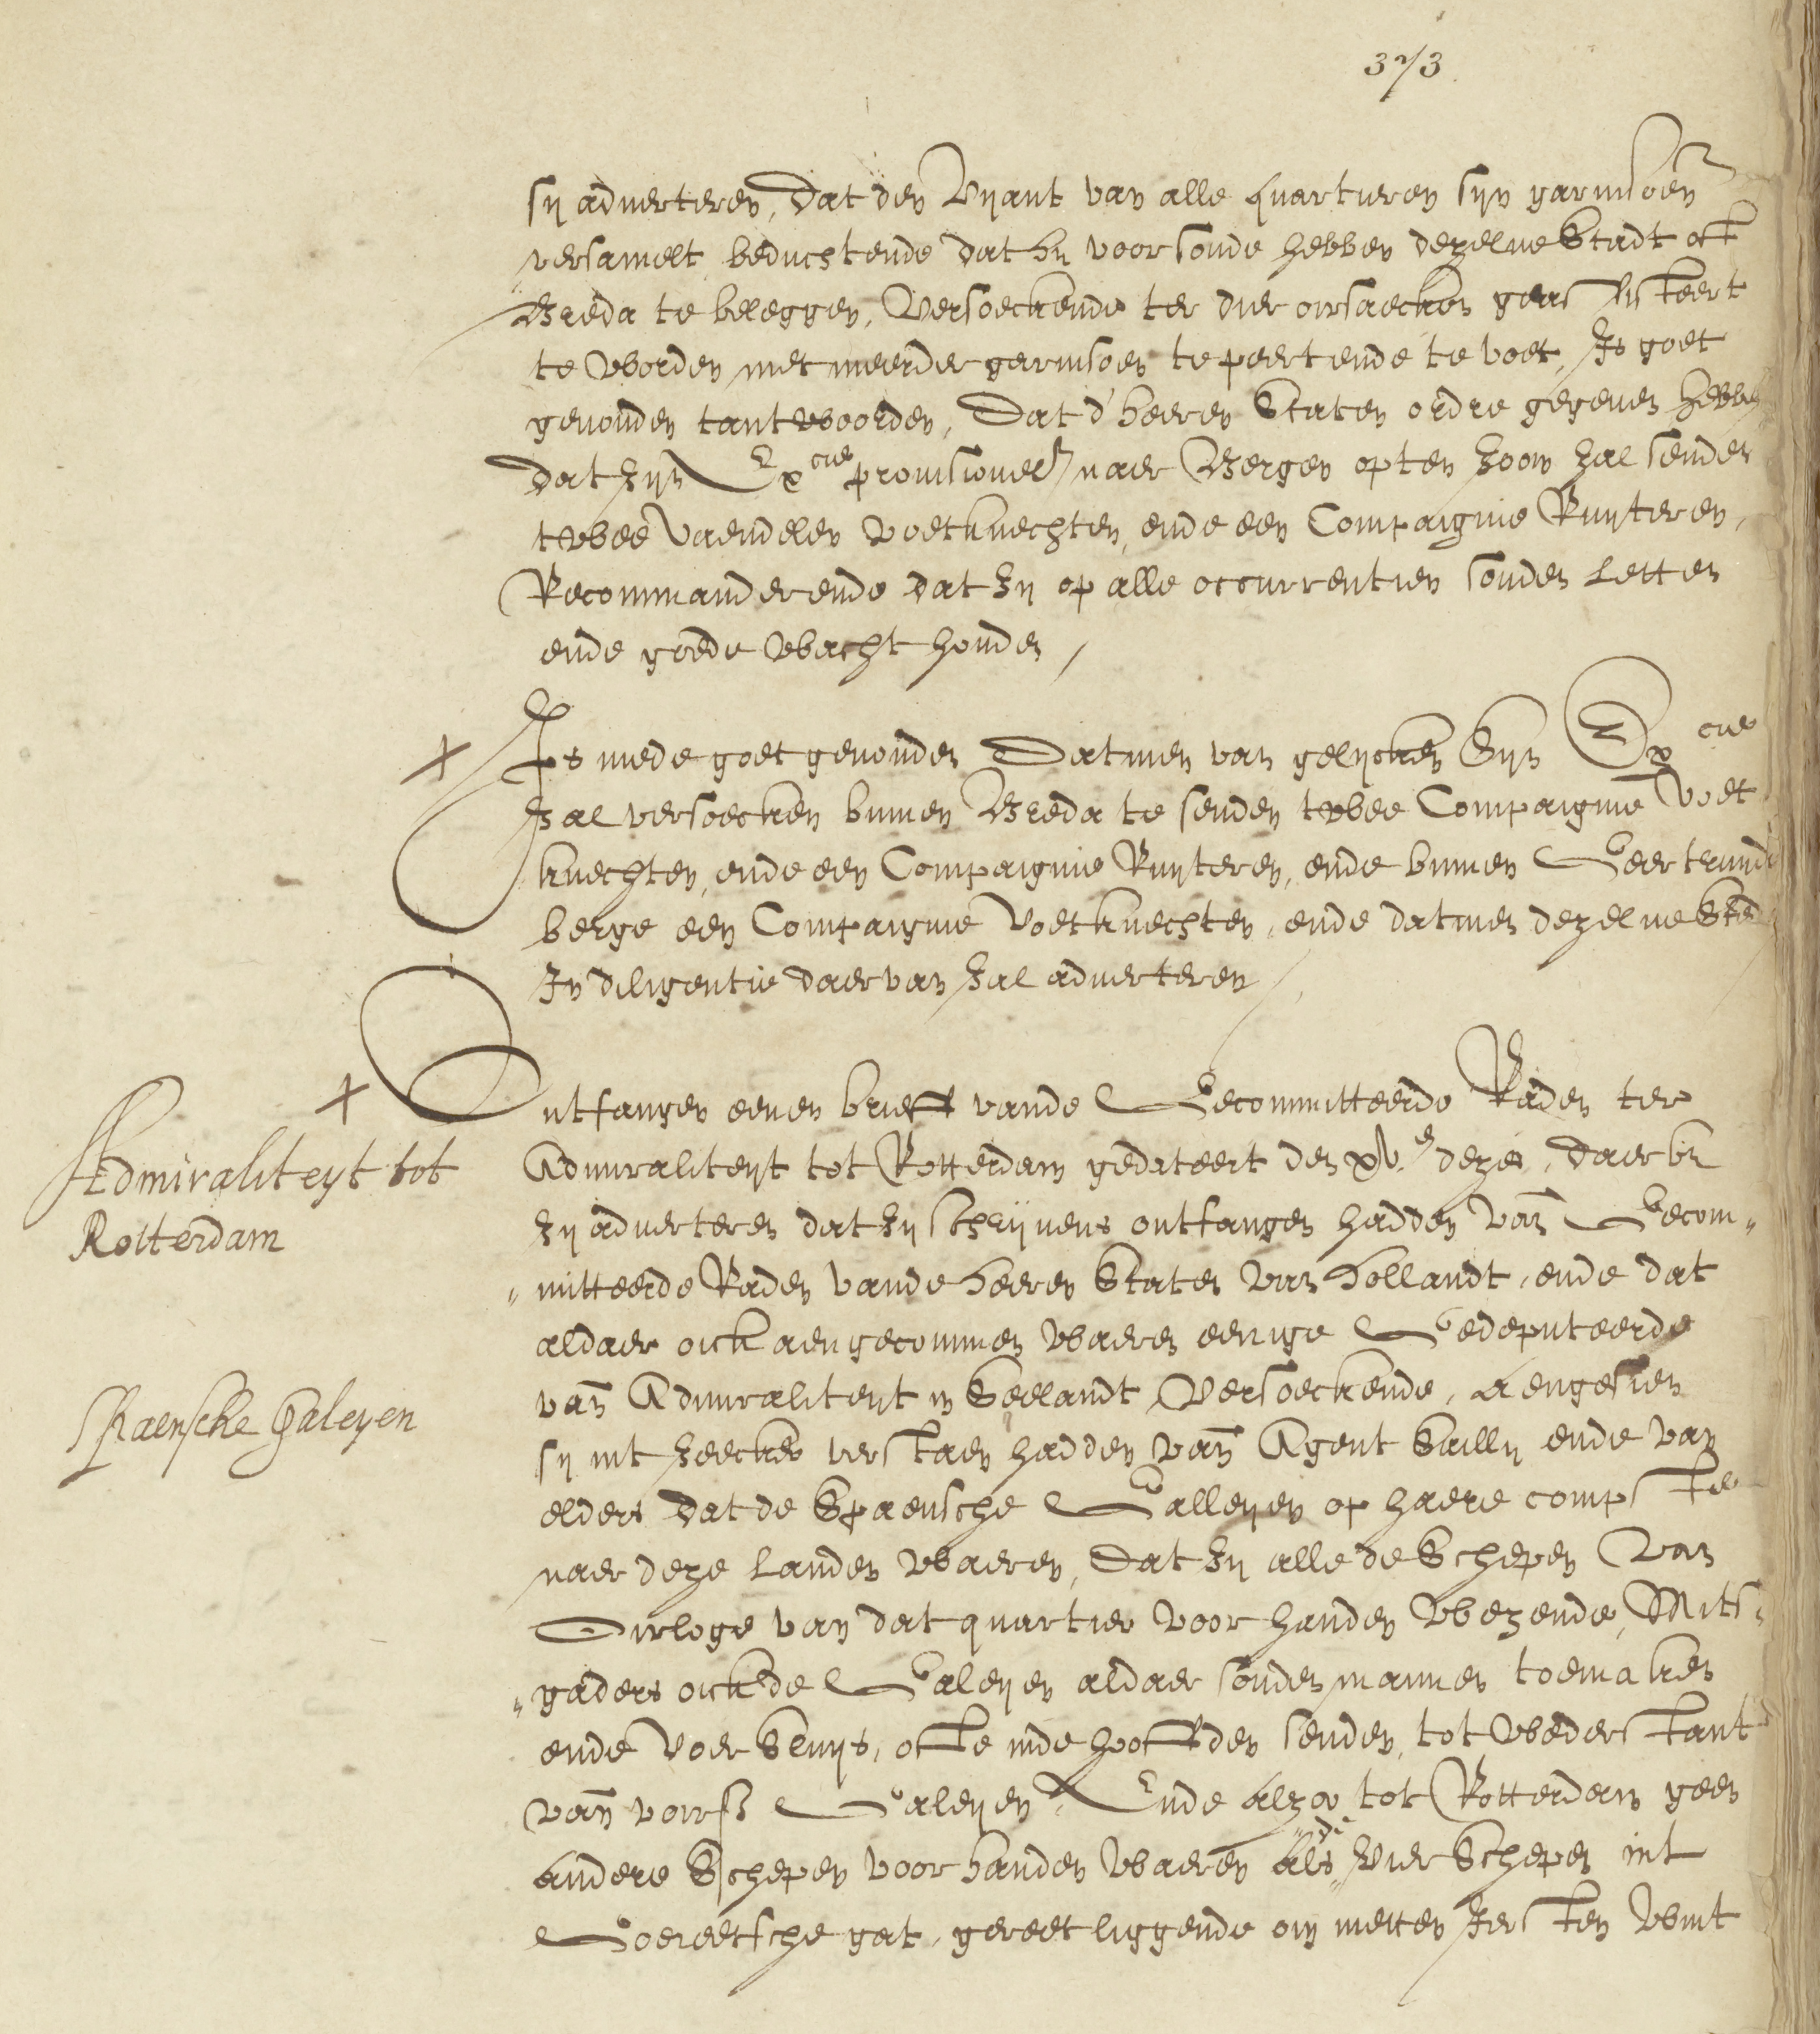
373
sy aduerteren, dat den Vyant van alle quartieren syn garnisoen
versamelt beduchtende dat hy voor soude hebben dezelue Stadt off
Breda te beleggen, Versoeckende ter dier oirsaecken geassisteert
te worden met meerder garnisoen te peert ende te voet. Is goet
geuonden tantwoorden, Dat d'heeren Staten ordre gegeuen hebben
dat zyn Excie prouisionel naer Bergen opten zoom zal senden
twee vaendelen voetknechten, ende een Compaignie Ruyteren,
Recommanderende dat zy op alle occurrentien souden letten
ende goede wacht houden.
Is mede goetgeuonden datmen van gelycken Syn Excie
zal versoecken binnen Breda te senden twee Compaignie voet
knechten ende een Compaignie Ruyteren, ende binnen Geertruyd
berge een Compaignie voetknechten, ende datmen dezelue Stad
In diligentie daervan zal aduerteren.
Admiraliteyt tot
Rotterdam
Spaensche Galeyen
Ontfangen eenen brieff vande Gecommitteerde Raden ter
Admiraliteyt tot Rotterdam gedateert den xven. dezes, daerby
zy aduerteren dat zy schrijuens ontfangen hadden van Gecom,,
,,mitteerde Raden vande heeren Staten van Hollandt, ende dat
aldaer oick aen gecommen waeren eenige Gedeputeerde
van Admiraliteyt in Seelandt, versoeckende, aengesien
sy int zeecker verstaen hadden van Agent Sailly ende van
elders dat de Spaensche Galleyen op haere compste
naer deze landen waeren, dat zy alle de Schepen van
Oirloge van dat quartier voor handen wezende, Mits,,
,,gaders oick de Galeyen aldaer souden mannen toemaken
ende voer Sluys, ofte inde hooffden senden, tot wederstant
van voirs Galeyen. Ende alzoo tot Rotterdam geen
,,de
andere Schepen voor handen waeren als,,vier Schepen int
Goereetsche gat, gereet liggende om metten Iersten wint
